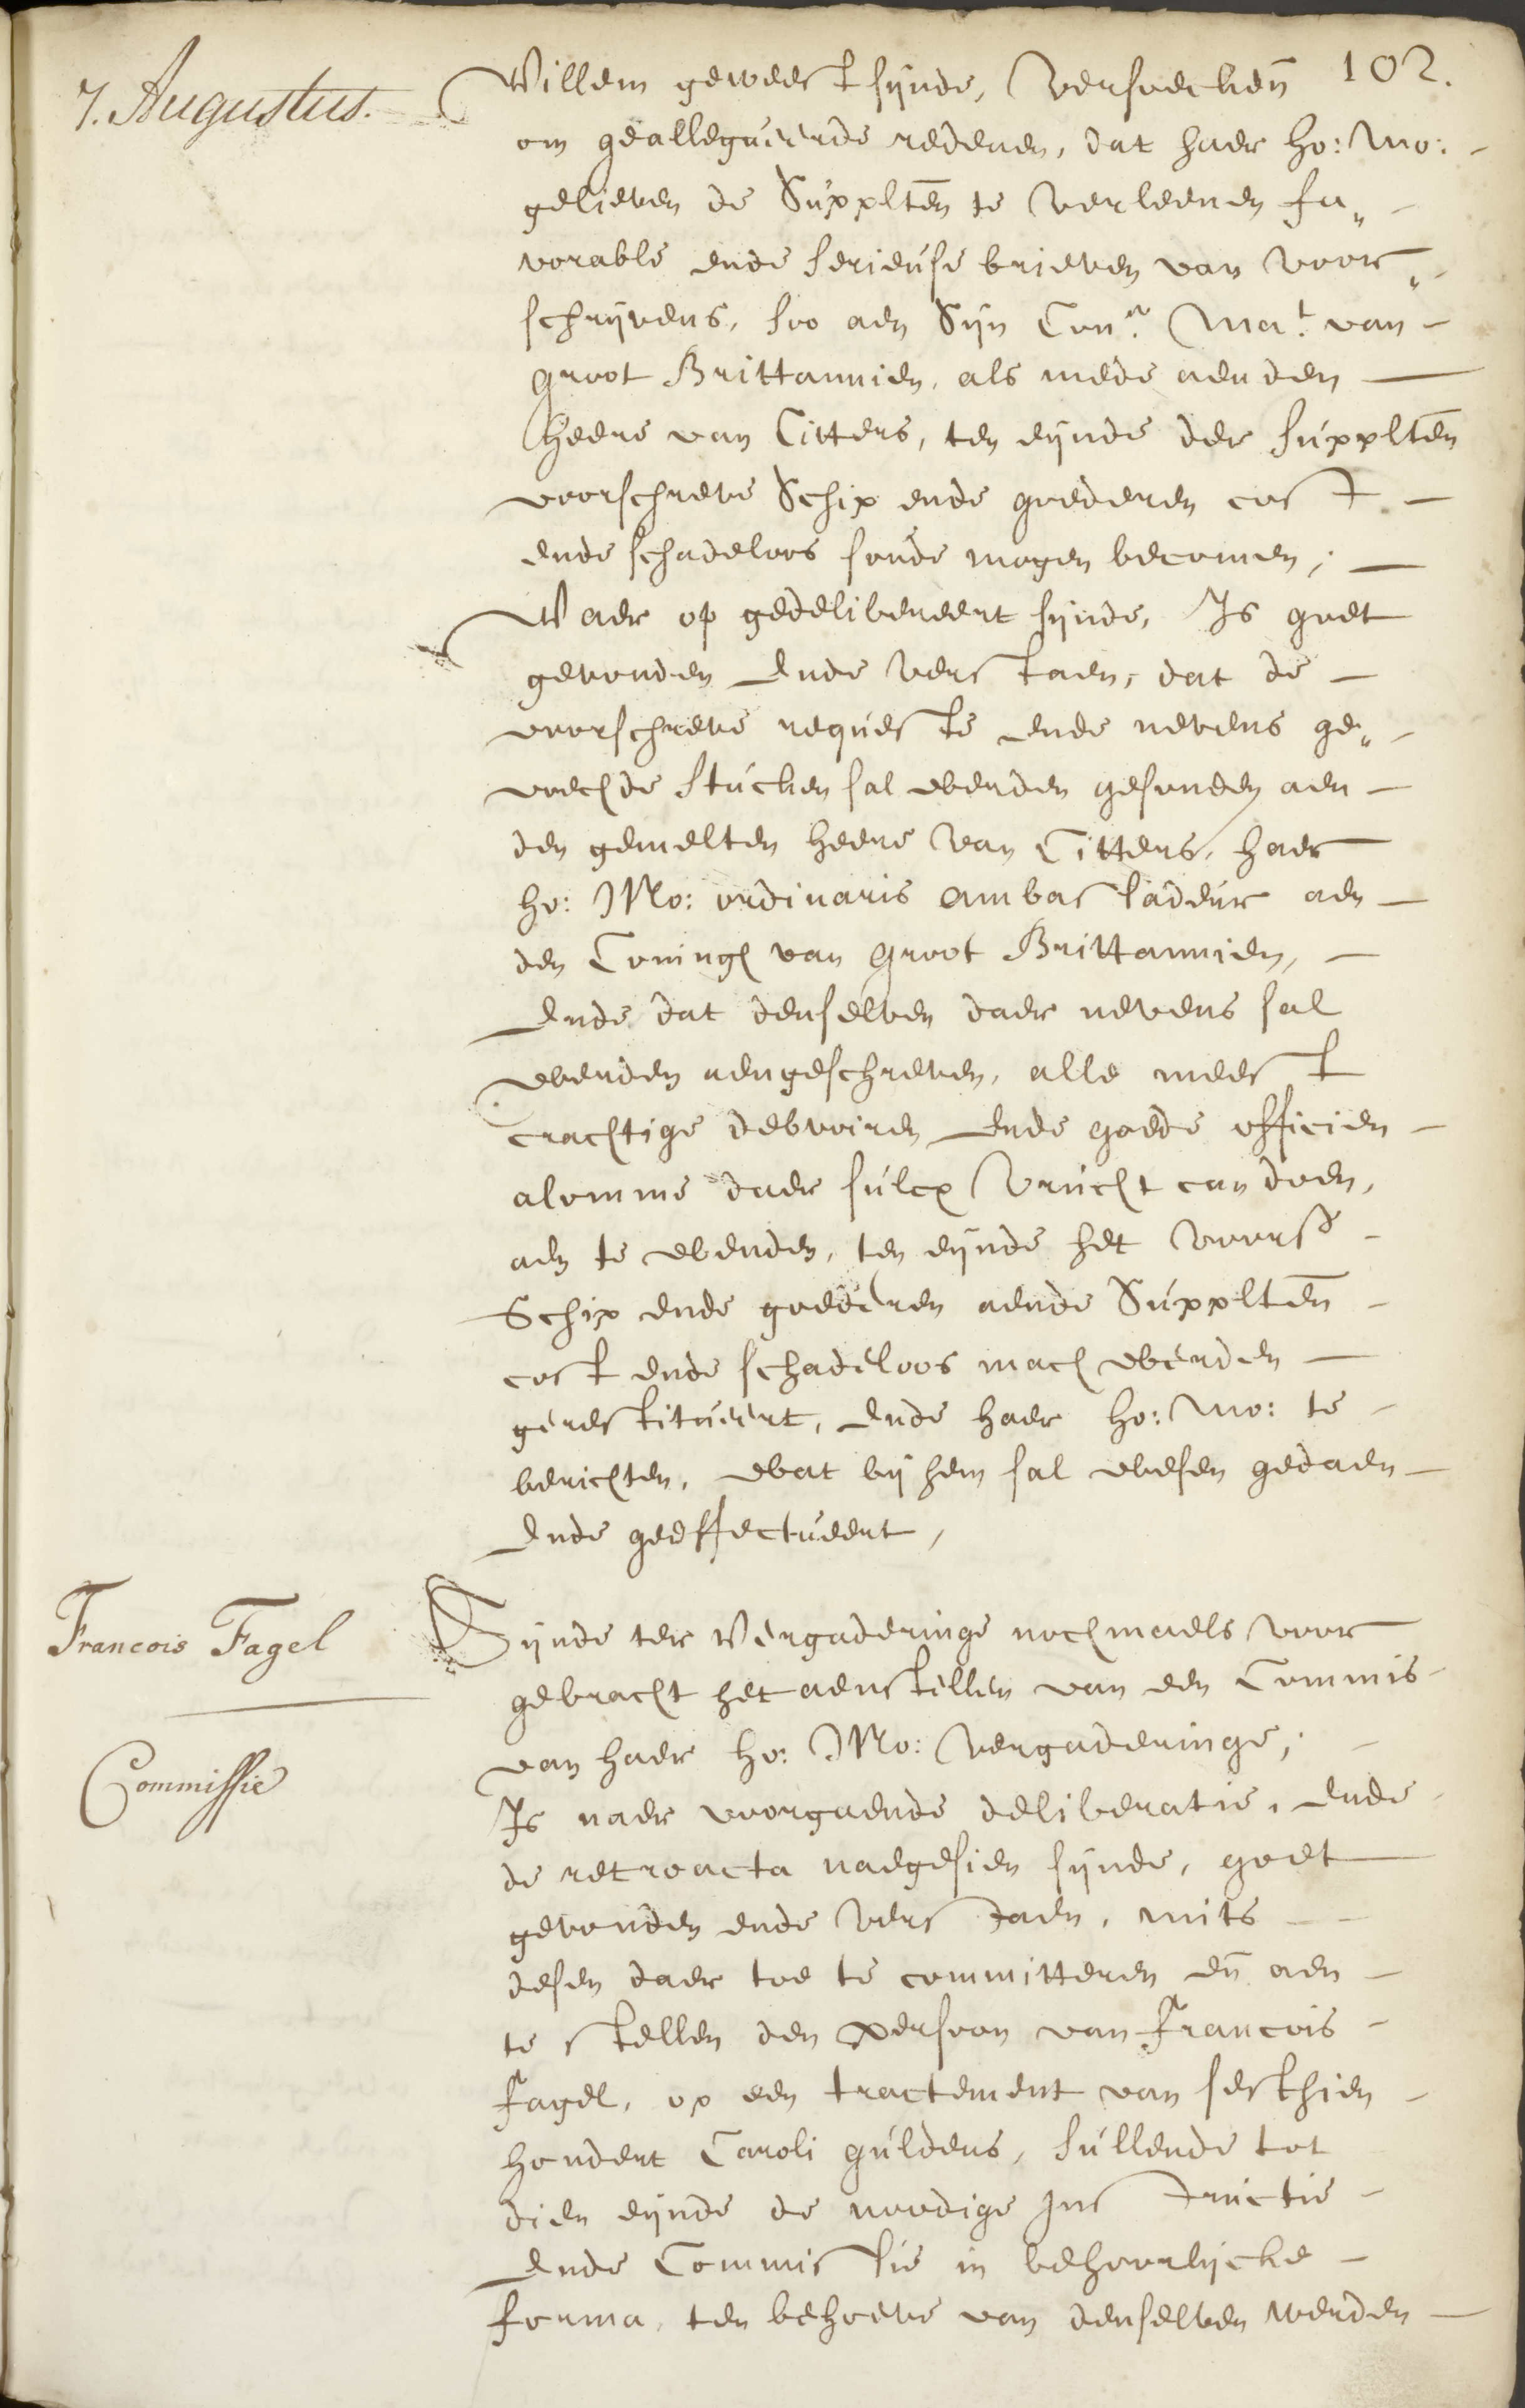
102.
7. Augustus.
Willem geweest sijnde, versoecken
om geallegueerde redenen, dat haer ho:mo:
gelieven de Supplten te verleenen fa„
vorable ende serieuse brieven van voor„
schrijvens, soo aen Sijn Cone. Mat. van —
Groot Brittannien, als mede aen den
heere van Citters, ten eijnde der Supplten
voorschreve Schip ende goederen cost
ende schadeloos soude mogen becomen;
Waer op gedelibereert sijnde, Is goet
gevonden ende verstaen, dat de
voorschreve requeste ende nevens ge„
voechde stucken sal werden gesonden aen
den gemelten heere van Citters, haer
ho:Mo: ordinaris Ambassadeur aen
den Coningh van Groot Brittannien,
Ende dat denselven daer nevens sal
werden aengeschreven, alle meest
crachtige debvoiren ende goede officien
alomme daer sulcx vrucht can doen,
aen te wenden, ten eijnde het voors
Schip ende goederen aende Supplten
cost ende schadeloos mach werden
gerestitueert, ende haer ho:Mo: te
berichten, wat bij hem sal wesen gedaen
Ende geeffectueert.
Francois Fagel
Commissie
Sijnde ter Vergaderinge nochmaels voor
gebracht het aenstellen van een Commis
van haer ho:Mo: vergaderinge;
Is naer voorgaende deliberatie, ende
de retroacta naegesien sijnde, goet
gevonden ende verstaen, mits
desen daer toe te committeren en aen
te stellen den persoon van Francois
Fagel, op een tractement van sesthien
hondert Caroli guldens, sullende tot
dien eijnde de noodige instructie
ende Commissie in behoorlijcke
forma, ten behoeve van denselven werden
